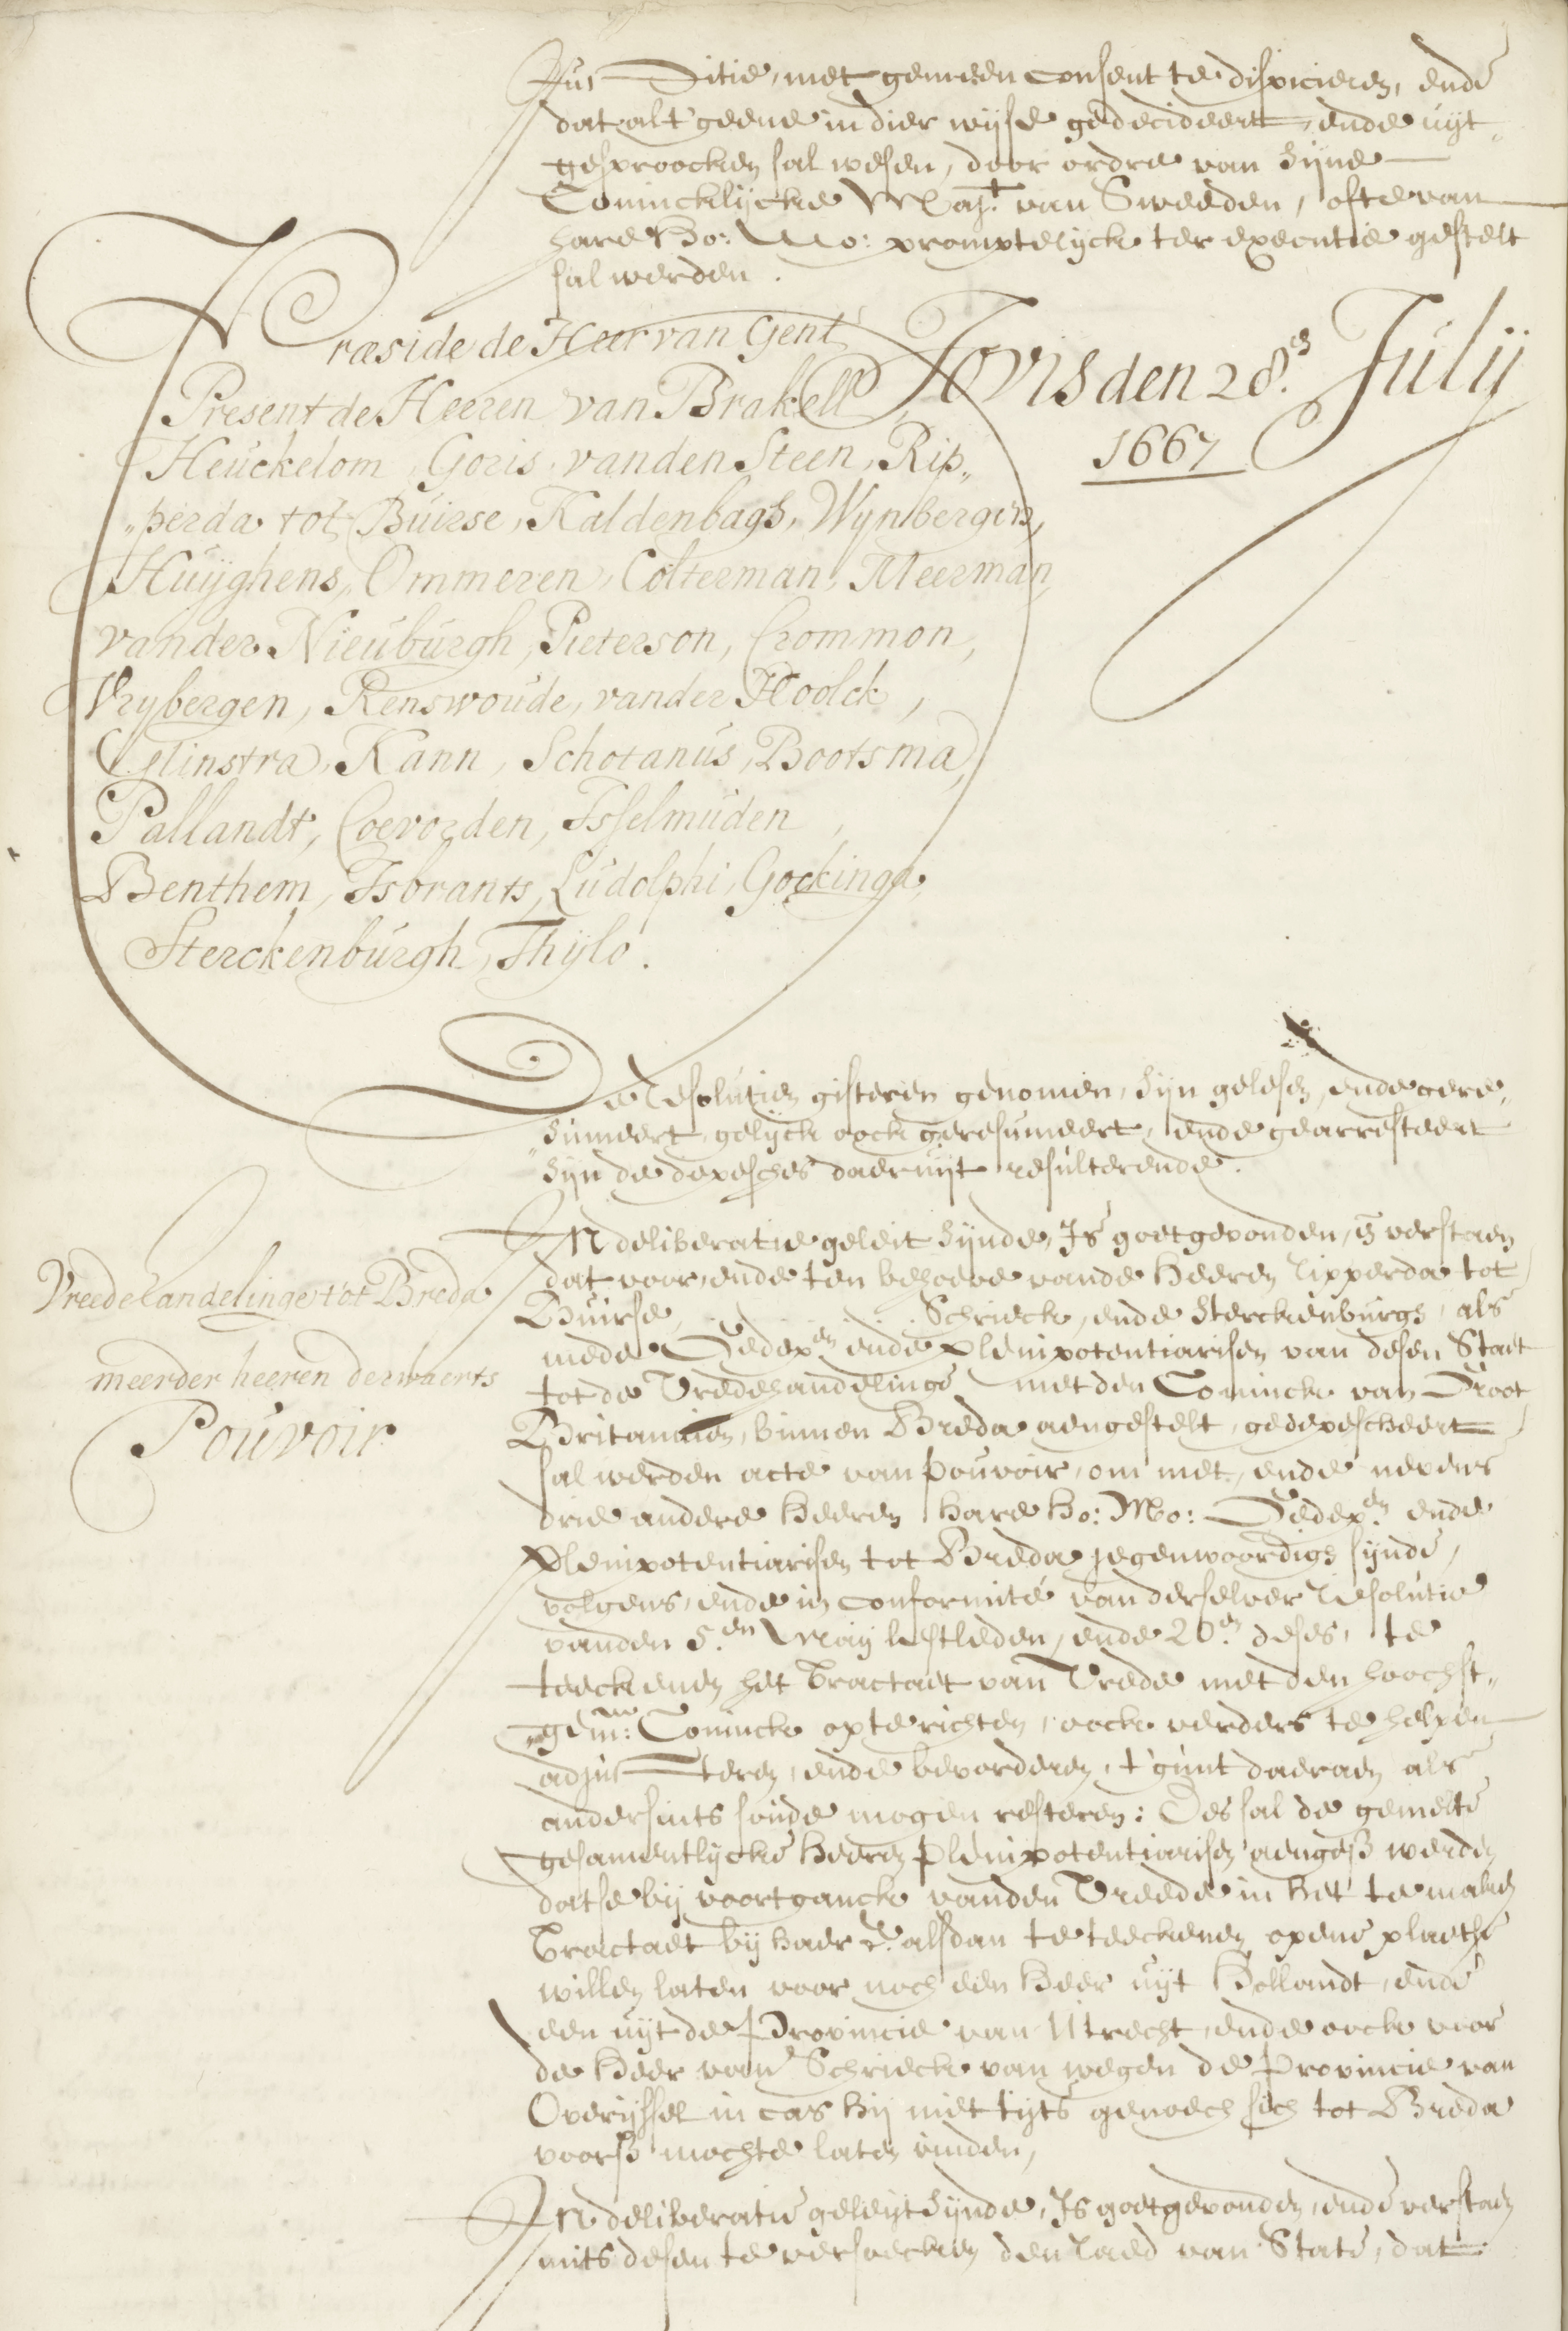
Justitie, met gemeen consent te dispicieren, ende
dat alt‛ geene in dier wijse gedecideert, ende uijt„
gesproocken sal wesen, door ordre van sijne -
Conincklijcke Majt. van Sweeden, ofte van
hare Ho:Mo: promptelijck ter executie gestelt
sal werden.
Jovis den 28en. Julij
1667
Præside de Heer van Gent.
Present de Heeren van Brakell,
Heuckelom, Goris, van den Steen, Rip„
„perda tot Buirse, Kaldenbagh, Wynbergen,
Huijghens, Ommeren, Colterman, Meerman,
vander Nieuburgh, Pieterson, Crommon,
Vrybergen, Renswoude, vander Hoolck,
Glinstra, Kann, Schotanus, Bootsma,
Pallandt, Coevorden, Isselmuden,
Benthem, Isbrants, Ludolphi, Gockinga,
Sterckenburgh, Thijlo.
De Resolutien gisteren genomen, sijn gelesen, ende gere„
„sumeert, gelijck oock geresumeert, ende gearresteert
sijn de depesches daeruijt resulterende.
Vreedehandelinge tot Breda
meerder heeren derwaerts
Pouvoir.
In deliberatie geleit sijnde, Is goetgevonden, en verstaen
dat voor ende ten behoeve vande Heeren Ripperda tot
Buirse, Schrieck, ende Sterckenburgh, als
mede Gedepen ende plenipotentiarisen van desen Staet
tot de Vredehandelinge met den Coninck van Groot
Britannien, binnen Breda aengestelt, gedepescheert
sal werden acte van Pouvoir, om met, ende nevens
drie andere heeren hare Ho:Mo: Gedepen. ende
Plenipotentiarisen tot Breda jegenwoordigh sijnde,
volgens, ende in conformité van derselver Resolutie
vanden 5en. Maij lestleden, ende 20en. deses, te
teeckenen het Tractaet van Vrede met den hoochst„
„gem: Coninck opte richten, oock verders te helpen
adjusteren, ende bevorderen, t'gunt daeraen als
andersints soude mogen resteren: Des sal de gemelte
gesamentlijcke heeren Plenipotentiarisen aenges werden
datse bij voortganck vanden Vreede in het te maken
Tractaet bij haer E. alsdan te teeckenen opene plaetse
willen laten voor noch een heer uijt Hollandt, ende
een uijt de Provincie van Utrecht, ende oock voor
de Heer van Schrieck van wegen de Provincie van
Overijssel in cas hij niet tijts genoech sich tot Breda
voors mochte laten vinden,
In deliberatie geleijt sijnde, Is goetgevonden, ende verstaen
mits desen te versoecken den Raed van State, dat
